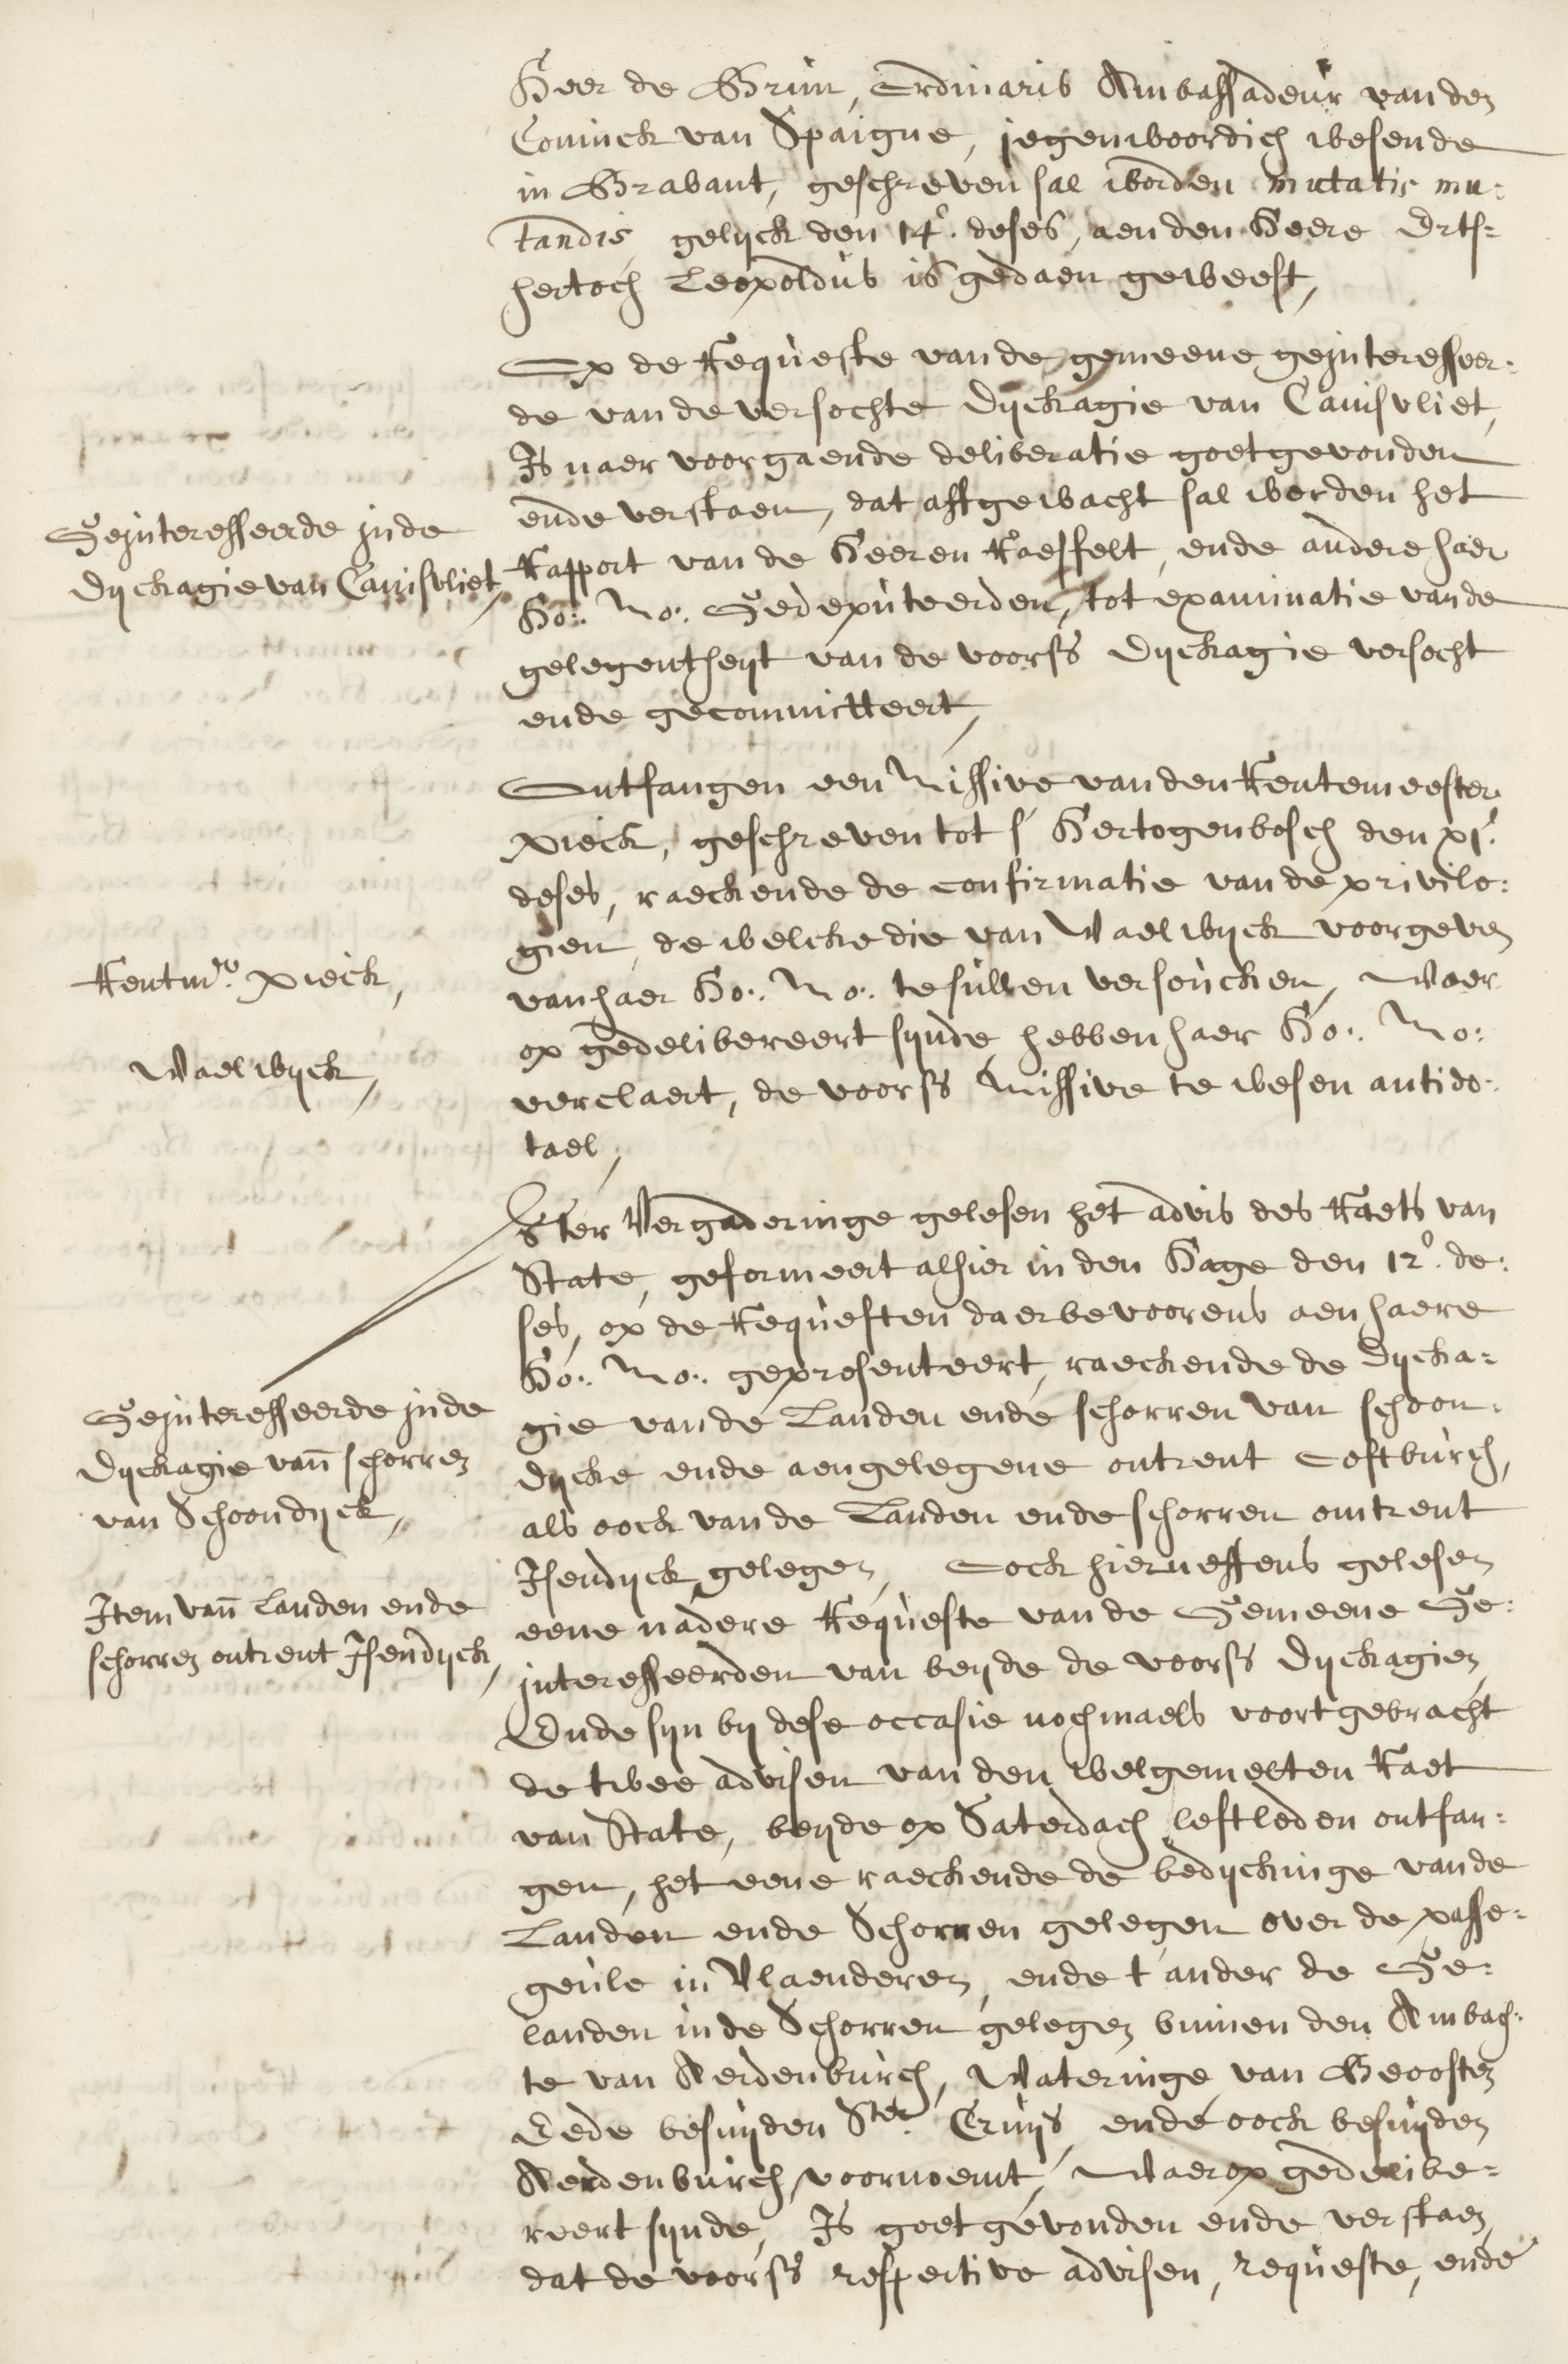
heer de Brun, Ordinaris Ambassadeur van den
Coninck van Spaigne, jegenwoordich wesende
in Brabant, geschreven sal worden, mutatis mu„
tandis gelyck den 14e. deses, aen den heere Erts=
hertoch Leopoldus is gedaen geweest,
Geinteresseerde inde
Dyckagie van Canisvliet
Op de Requeste van de gemeene geinteresseer=
de van de versochte Dyckagie van Canisvliet,
Is naer voorgaende deliberatie goetgevonden
ende verstaen, dat affgewacht sal worden het
Rapport van de Heeren Raesfelt, ende andere haer
Ho:Mo: Gedeputeerden, tot examinatie van de
gelegentheyt van de voors Dyckagie versocht
ende gecommitteert
Rentmr. Pieck,
Waelwyck
Ontfangen een Missive van den Rentemeester
Pieck, geschreven tot s'Hertogenbosch den xie.
deses, raeckende de confirmatie van de privile„
gien, de welcke die van Waelwyck voorgeven
van haer Ho:Mo: te sullen versoucken, Waer
op gedelibereert synde hebben haer Ho:Mo:
verclaert, de voors missive te wesen antido„
tael.
Geinteresseerde in de
Dyckagie van schorren
van Schoondyck,
Item van Landen ende
schorren ontrent Isendyck,
Is ter Vergaderinge gelesen het advis des Raets van
State, geformeert alhier in den Hage den 12e. de„
ses op de Requesten daerbevoorens aen haere
Ho:Mo: gepresenteert, raeckende de Dycka=
gie van de Landen ende schorren van schoon„
dycke ende aengelegene ontrent Oostburch,
als oock van de Landen ende schorren omtrent
Isendyck gelegen, Oock hierneffens gelesen
eene nadere Requeste van de Gemeene Ge„
interesseerden van beyde de voors Dyckagien,
Ende syn by dese occasie nochmaels voortgebracht
de twee advisen van den welgemelten Raet
van State, beyde op Saterdach lestleden ontfan=
gen, het eene raeckende de bedyckinge vande
Landen ende Schorren gelegen over de passe=
geule in Vlaenderen, ende t'ander de Ge=
landen in de Schorren gelegen binnen den Ambach„
te van Aerdenburch, Wateringe van Beoosten
Eede besuyden Ste. Cruys, ende oock besuyden
Aerdenburch voornoemt, Waerop gedelibe=
reert synde, Is goetgevonden ende verstaen
dat de voors respective advisen, requeste ende
